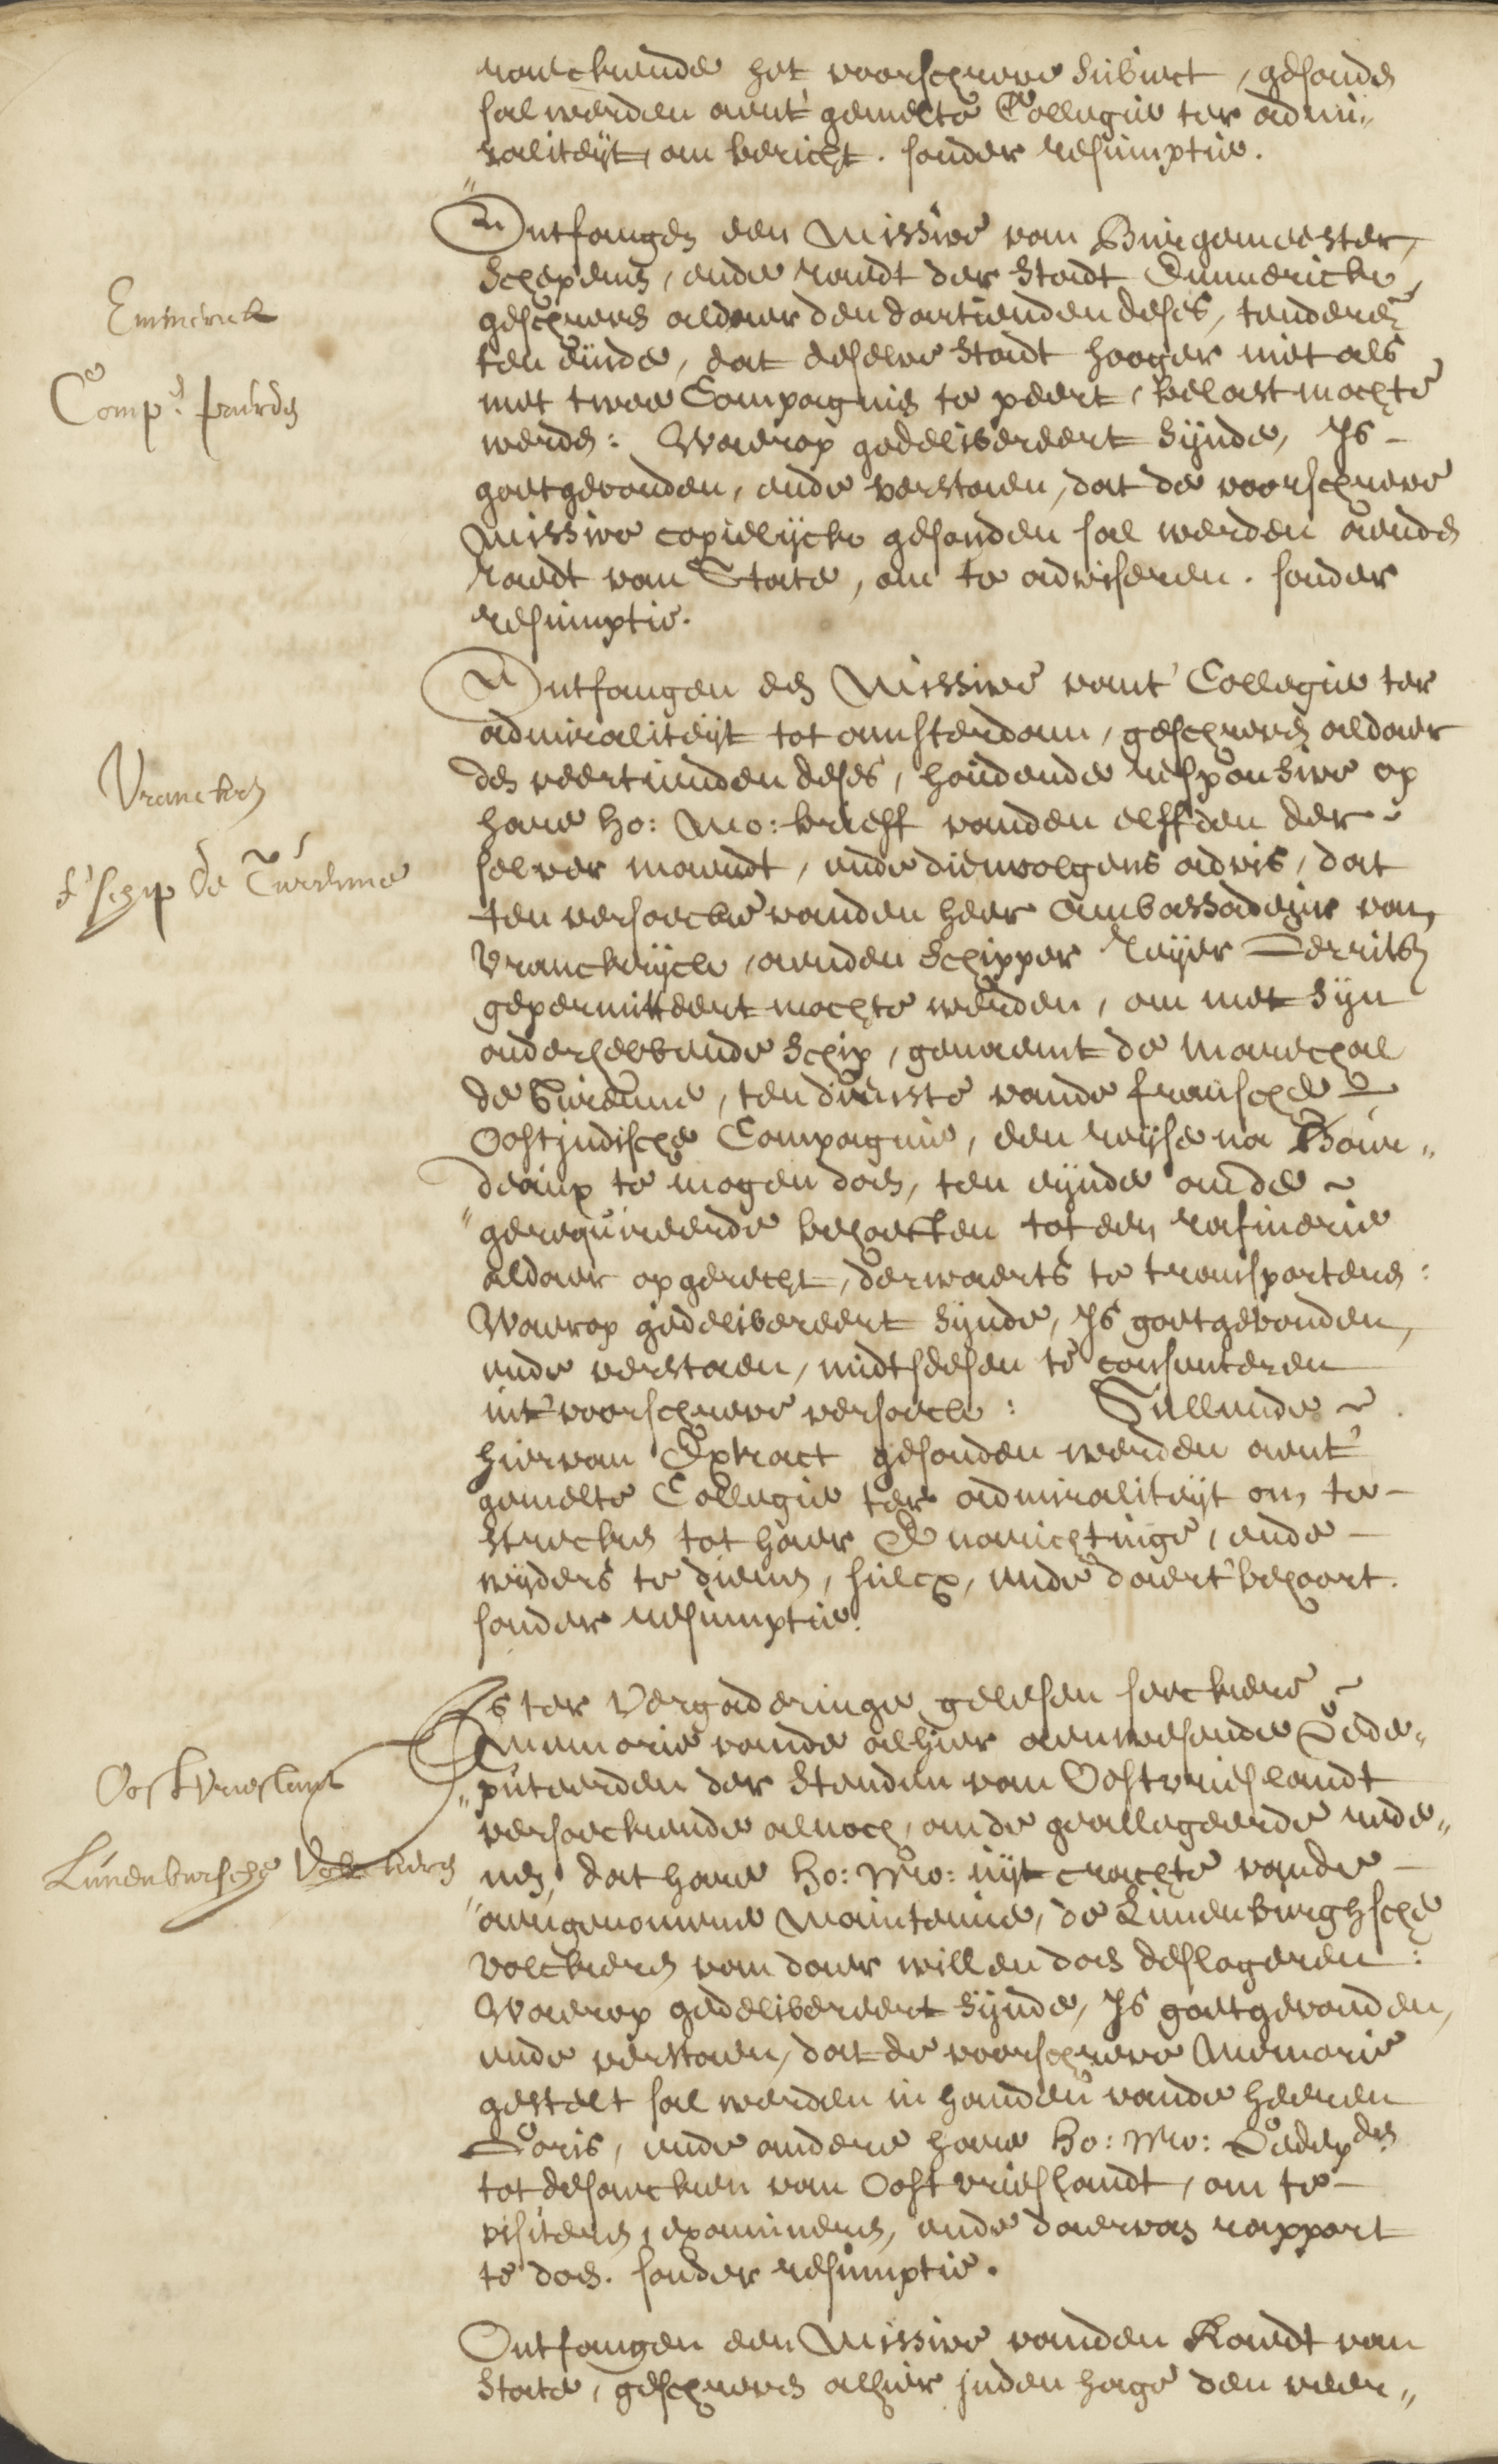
raeckende het voorschreve subiect, gesonden
sal werden aent gemelte Collegie ter admi,,
raliteijt, om bericht. sonder resumptie.
Emmerick
Compen. paerden
Ontfangen een missive van Burgemeester,
Schepenen, ende raedt der Stadt Emmerick
geschreven aldaer den dartienden deses, tenderen
ten einde, dat deselve stadt hooger niet als
met twee Compagnien te peert, belast mochte
werden: Waerop gedelibereert sijnde, Is
goetgevonden, ende verstaen, dat de voorschreve
missive copielijck gesonden sal werden aenden
raedt van State, om te adviseren, sonder
resumptie.
Vranckr
t‛schip de Turenne
Ontfangen een Missive vant' Collegie ter
admiraliteijt tot amsterdam, geschreven aldaer
den veertienden deses, houdende responsive op
hare Ho:Mo: brieff vanden elffden der„
selver maendt, ende dienvolgens advis, dat
ten versoecke vanden heer Ambassadeur van
Vranckrijck, aenden Schipper Reijer Gerritsz
gepermitteert mochte werden, om met sijn
onderhebbende Schip, genaemt de Marechal
de Turenne, ten dienste vande fransche —
Oostindische Compagnie, een reijse na Bour,,
„deaux te mogen doen, ten eijnde om de -
gerequireerde behoeften tot een rafinerie
aldaer opgerecht, derwaerts te transporteren:
Waerop gedelibereert sijnde, Is goetgevonden,
ende verstaen, midtsdesen te consenteren
int' voorschreve versoeck: Sullende -
hiervan Extract gesonden werden aent‛
gemelte Collegie ter admiraliteijt om te —
strecken tot haer E narichtinge, ende —
wijders te dienen, sulcx, ende daert' behoort.
sonder resumptie.
OostVrieslant
Lunenbursche Volckeren
Is ter Vergaderinge gelesen seeckere —
memorie vande alhier aenwesende Gede,,
„puteerden der stenden van Oostvrieslandt
versoeckende alnoch, om de geallegeerde rede,,
„nen, dat hare Ho:Mo: uijt crachte vande —
aengenomene Maintenue, de Lunenburghsche
volckeren van daer willen doen deslogeren:
Waerop gedelibereert sijnde, Is goetgevonden,
ende verstaen, dat de voorschreve Memorie
gestelt sal werden in handen vande heeren
Goris, ende andere hare Ho:Mo: Gedepden.
tot de saecken van Oostvrieslandt, om te —
visiteren, examineren, ende daervan rapport
te doen. sonder resumptie.
Ontfangen een Missive vanden Raedt van
State, geschreven alhier inden hage den veer„
